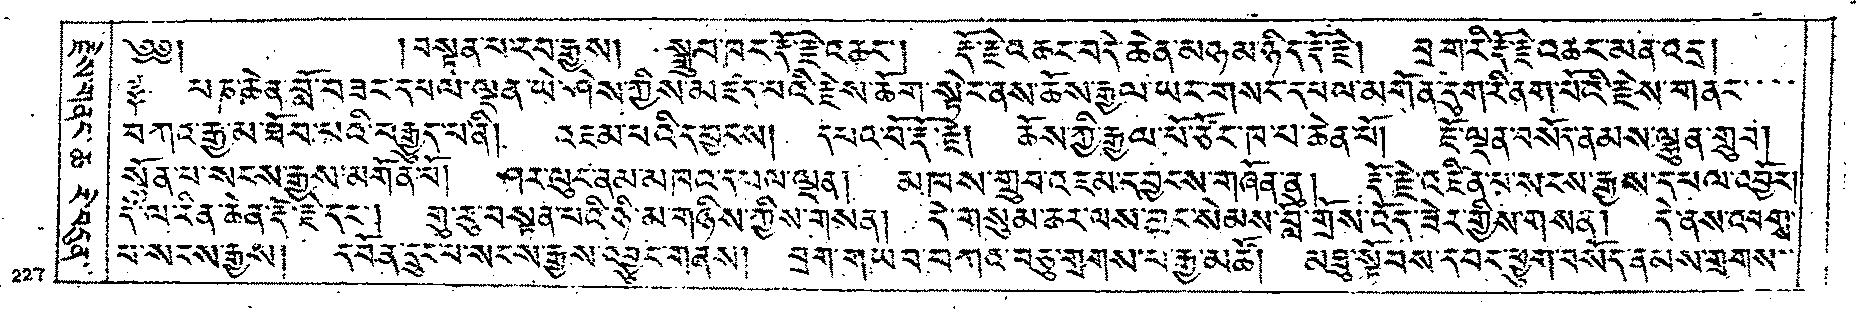༄༅། །བསྟན་པ་རབ་རྒྱས། སྒྲུབ་ཁང་རྡོ་རྗེ་འཆང་། རྡོ་རྗེ་འཆང་བདེ་ཆེན་མཉམ་ཉིད་རྡོ་རྗེ། བྲག་རི་རྡོ་རྗེ་འཆང་མན་འདྲ།
༈ པཎ་ཆེན་བློ་བཟང་དཔལ་ལྡན་ཡེ་ཤེས་ཀྱིས་མཛད་པའི་རྗེས་ཆོག་སྟེང་ནས་ཆོས་རྒྱལ་ཡང་གསང་དཔལ་མགོན་དུག་རི་ནག་པོའི་རྗེས་གནང་
བཀའ་རྒྱ་མ་ཐོབ་པའི་བརྒྱུད་པ་ནི། འཇམ་པའི་དབྱངས། དཔའ་བོ་རྡོ་རྗེ། ཆོས་ཀྱི་རྒྱལ་པོ་ཙོང་ཁ་པ་ཆེན་པོ། ཇོ་ལྡན་བསོད་ནམས་ལྷུན་གྲུབ།
སྟོན་པ་སངས་རྒྱས་མགོན་པོ། ཤར་ལུང་ནམ་མཁའ་དཔལ་ལྡན། མཁས་གྲུབ་འཇམ་དབྱངས་གཞོན་ནུ། རྡོ་རྗེ་འཛིན་པ་སངས་རྒྱས་དཔལ་འབྱོར།
དེ་ལ་རིན་ཆེན་རྡོ་རྗེ་དང་། གུ་རུ་བསྟན་པའི་ཉི་མ་གཉིས་ཀྱིས་གསན། དེ་གསུམ་ཆར་ལས་བྱང་སེམས་བློ་གྲོས་འོད་ཟེར་གྱིས་གསན། དེ་ནས་འཕགས་
པ་སངས་རྒྱས། དབོན་དྲུང་པ་སངས་རྒྱས་འབྱུང་གནས། བྲག་གཡབ་བཀའ་བཅུ་གྲགས་པ་རྒྱ་མཚོ། མཐུ་སྟོབས་དབང་ཕྱུག་བསོད་ནམས་གྲགས་